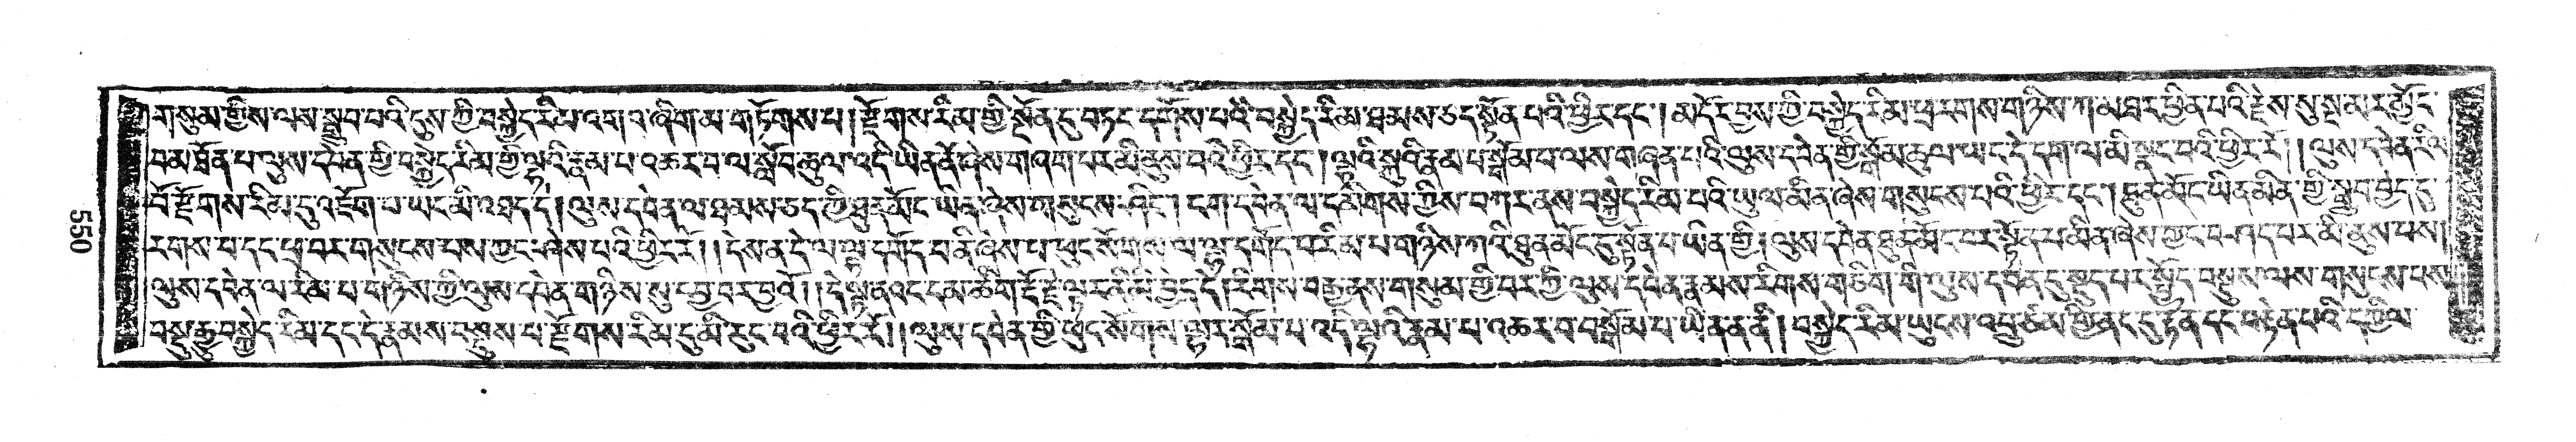གསུམ་གྱིས་ལས་སྒྲུབ་པའི་དུས་ཀྱི་བསྐྱེད་རིམ་འགའ་ཞིག་མ་གཏོགས་པ། རྫོགས་རིམ་གྱི་སྔོན་དུ་བཏང་དགོས་པའི་བསྐྱེད་རིམ་ཐམས་ཅད་སྟན་པའི་ཕྱིར་དང་། མདོར་བྱས་ཀྱི་བསྐྱེད་རིམ་ཕྲ་རགས་གཉིས་ཀ་མཐར་ཕྱིན་པའི་རྗེས་སུ་སྔ་མར་མྱོང་
བ་མ་ཐོན་པ་ལུས་དབེན་གྱི་བསྐྱེད་རིམ་གྱི་ལྷའི་རྣམ་པ་འཆར་བ་ལ་སློབ་ཚུལ་འདི་ཡིན་ནོ་ཞེས་གཞག་པར་མི་ནུས་པའི་ཕྱིར་དང་། ལྷའི་སྐུའི་རྣམ་པ་སྒོམ་པ་ལས་གཞན་པའི་ལུས་དབེན་གྱི་སྒོམ་ཚུལ་ཡང་དེ་དག་ལ་མི་སྣང་བའི་ཕྱིར་རོ། །ལུས་དབེན་ནི་རིལ་
པོ་རྫོགས་རིམ་དུ་འཇོག་པ་ཡང་མི་འཐད་དེ། ལུས་དབེན་ལ་ཐམས་ཅད་ཀྱི་ཐུན་མོང་ཡིན་ཞེས་གསུངས་ཤིང་།ངག་དབེན་ལ་དམིགས་ཀྱིས་བཀར་ནས་བསྐྱེད་རིམ་པའི་ཡུལ་མིན་ཞེས་གསུངས་པའི་ཕྱིར་དང་། ཐུན་མོང་ཡིན་མིན་གྱི་སྒྲུབ་བྱེད་དུ་
རགས་པ་དང་ཕྲ་བར་གསུངས་པས་ཀྱང་ཤེས་པའི་ཕྱིར་རོ། ན་དེ་ལ་ལྷ་དགོད་པ་ནི་ཞེས་པ་ཕུང་སོགས་ལ་ལྷ་དགོད་པ་རིམ་པ་གཉིས་ཀའི་ཐུན་མོང་དུ་སྟོན་པ་ཡིན་གྱི། ལུས་དབེན་ཐུན་མོང་བར་སྟོན་པ་མིན་ཞེས་ཀྱང་བཤད་པར་མི་ནུས་པས།
ལུས་དབེན་ལ་རིམ་པ་གཉིས་ཀྱི་ལུས་དབེན་གཉིས་སུ་དབྱེ་བར་བྱའོ། །དེ་ལྟ་ནའང་དམ་ཚིག་རྡོ་རྗེ་ལྟར་ནི་མི་བྱེད་དོ། །རིགས་བརྒྱ་ནས་གསུམ་གྱི་བར་གྱི་ལུས་དབེན་རྣམས་རིགས་གཅིག་གི་ལུས་དབེན་དུ་སྡུད་པར་སྤྱོད་བསྡུས་ལས་གསུངས་པས། །
བསྡུ་རྒྱུ་བསྐྱེད་རིམ་དང་དེ་རྣམས་བསྡུས་པ་རྫོགས་རིམ་དུ་མི་རུང་བའི་ཕྱིར་རོ། །ལུས་དབེན་གྱི་ཕུང་སོགས་ལྷར་སྒོམ་པ་འདི་ལྷའི་རྣམ་པ་འཆར་བ་བསྒོམ་པ་ཡིན་ན་ནི། བསྐྱེད་རིམ་ཡུངས་འབྲུ་ཙམ་གྱི་ནང་དུ་